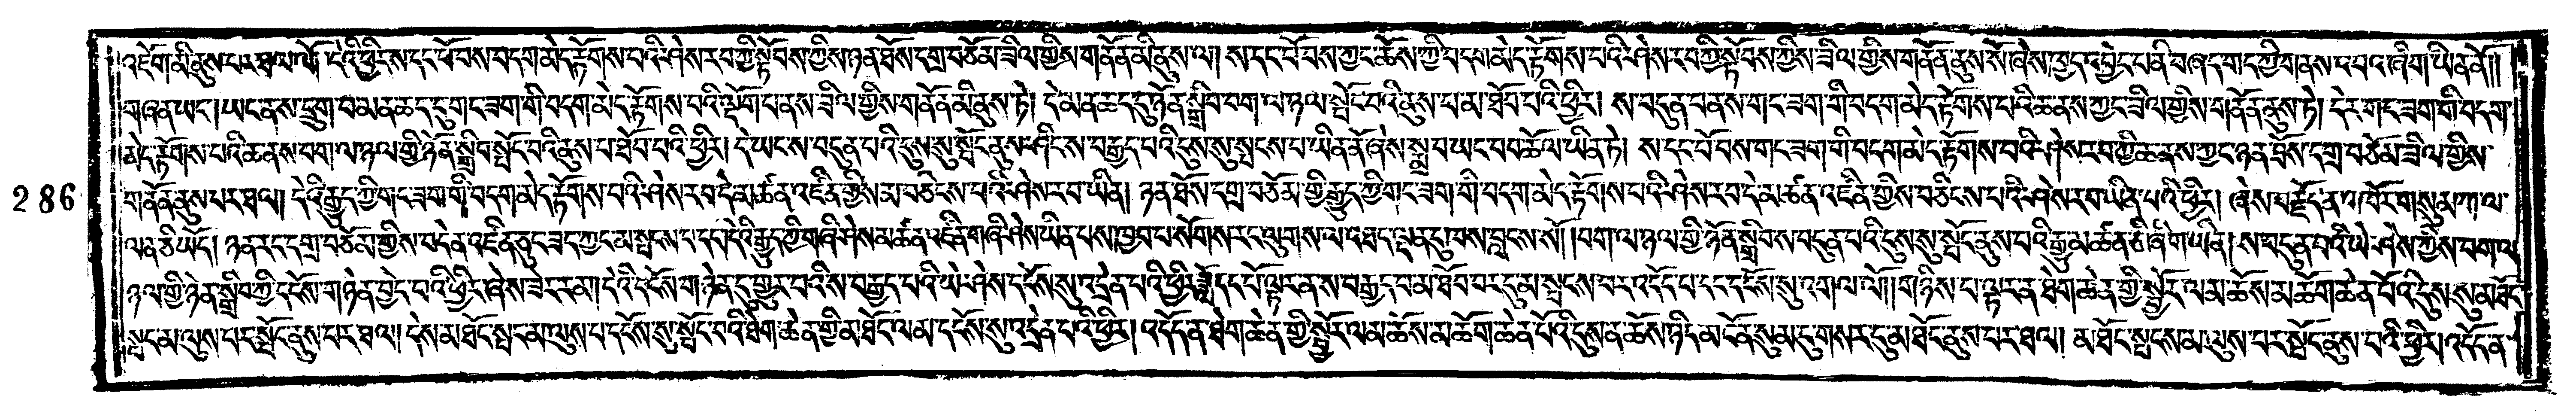འཇོག་མི་ནུས་པར་ཐལ་ལོ། །དེའི་ཕྱིར་ས་དང་པོ་བས་བདག་མེད་རྟོགས་པའི་ཤེས་རབ་ཀྱི་སྟོབས་ཀྱིས་ཉན་ཐོས་དགྲ་བཅོམ་ཟིལ་གྱིས་གནོན་མི་ནུས་ལ། ས་དང་པོ་བས་ཀྱང་ཆོས་ཀྱི་བདག་མེད་རྟོགས་པའི་ཤེས་རབ་ཀྱི་སྟོབས་ཀྱིས་ཟིལ་གྱིས་གནོན་ནུས་སོ་ཞེས་ཁྱད་འབྱེད་པ་ནི་བཞད་གད་ཀྱི་གནས་འབའ་ཞིག་ཡིན་ནོ།།
གཞན་ཡང་། ཡང་ནས་དྲུག་བ་མན་ཆད་དུ་གང་ཟག་གི་བདག་མེད་རྟོགས་པའི་ལྡོག་པ་ནས་ཟིལ་གྱིས་གནོན་མི་ནུས་ཏེ། དེ་མན་ཆད་དུ་ཉོན་སྒྲིབ་བག་ལ་ཉལ་སྤོང་བའི་ནུས་པ་མ་ཐོབ་པའི་ཕྱིར། ས་བདུན་པ་ནས་གང་ཟག་གི་བདག་མེད་རྟོགས་པའི་ཆ་ནས་ཀྱང་ཟིལ་གྱིས་གནོན་ནུས་ཏེ་དེར་གང་ཟག་གི་བདག་
མེད་རྟོགས་པའི་ཆ་ནས་བག་ལ་ཉལ་གྱི་ཉོན་སྒྲིབ་སྤོང་བའི་ནུས་པ་ཐོབ་པའི་ཕྱིར། དེ་ཡང་ས་བདུན་པའི་དུས་སུ་སྤོང་ནུས་ཤིང་ས་བརྒྱད་པའི་དུས་སུ་སྤངས་པ་ཡིན་ནོ་ཞེས་སྨྲ་བ་ཡང་བབ་ཆོལ་ཡིན་ཏེ། ས་དང་པོ་བས་གང་ཟག་གི་བདག་མེད་རྟོགས་པའི་ཤེས་རབ་ཀྱི་ཆ་ནས་ཀྱང་ཉན་ཐོས་དགྲ་བཅོམ་ཟིལ་གྱིས་
གནོན་ནུས་པར་ཐལ། དེའི་རྒྱུད་ཀྱི་གང་ཟག་གི་བདག་མེད་རྟོགས་པའི་ཤེས་རབ་དེ་མཚན་འཛིན་གྱིས་མ་བཅིངས་པའི་ཤེས་རབ་ཡིན། ཉན་ཐོས་དགྲ་བཅོམ་གྱི་རྒྱུད་ཀྱི་གང་ཟག་གི་བདག་མེད་རྟོགས་པའི་ཤེས་རབ་དེ་མཚན་འཛིན་གྱིས་བཅིངས་པའི་ཤེས་རབ་ཡིན་པའི་ཕྱིར། ཞེས་བརྗོད་ན་འཁོར་གསུམ་ཀ་ལ་
ལན་ཅི་ཡོད། ཉན་རང་དགྲ་བཅོམ་གྱིས་བདེན་འཛིན་ཅུང་ཟད་ཀྱང་མ་སྤངས་པ་དང་། དེའི་རྒྱུད་ཀྱི་གཞི་ཤེས་མཚན་འཛིན་གཞི་ཤེས་ཡིན་པས་ཁྱབ་པ་སོགས་རང་ལུགས་ལ་འཐད་ལྡན་དུ་ཁས་བླངས་སོ། །བག་ལ་ཉལ་གྱི་ཉོན་སྒྲིབ་ས་བདུན་པའི་དུས་སུ་སྤོང་ནུས་པའི་རྒྱུ་མཚན་ཅི་ཞིག་ཡིན། ས་བདུན་པའི་ཡེ་ཤེས་ཀྱིས་བག་ལ་
ཉལ་གྱི་ཉོན་སྒྲིབ་ཀྱི་དངོས་གཉེན་བྱེད་པའི་ཕྱིར་ཞེས་ཟེར་རམ། དེའི་དངོས་གཉེན་དུ་གྱུར་བའི་ས་བརྒྱད་པའི་ཡེ་ཤེས་དངོས་སུ་འདྲེན་པའི་ཕྱིར་ཟེར་དང་པོ་ལྟར་ན་ས་བརྒྱད་བ་མ་ཐོབ་བར་དུ་མ་སྤངས་པར་འདོད་པ་དང་དངོས་སུ་འགལ་ལོ། །གཉིས་པ་ལྟར་ན་ཐེག་ཆེན་གྱི་སྦྱོར་ལམ་ཆོས་མཆོག་ཆེན་པོའི་དུས་སུ་མཐོང་
སྤང་མ་ལུས་པར་སྤོང་ནུས་པར་ཐལ། དེས་མཐོང་སྤང་མ་ལུས་པ་དངོས་སུ་སྤོང་བའི་ཐེག་ཆེན་གྱི་མཐོང་ལམ་དངོས་སུ་འདྲེན་པའི་ཕྱིར། འདོད་ན་ཐེག་ཆེན་གྱི་སྦྱོར་ལམ་ཆོས་མཆོག་ཆེན་པོའི་དུས་ན་ཆོས་ཉིད་མངོན་སུམ་དུ་གསར་དུ་མཐོང་ནུས་པར་ཐལ། མཐོང་སྤངས་མ་ལུས་པར་སྤོང་ནུས་པའི་ཕྱིར། འདོད་ན་